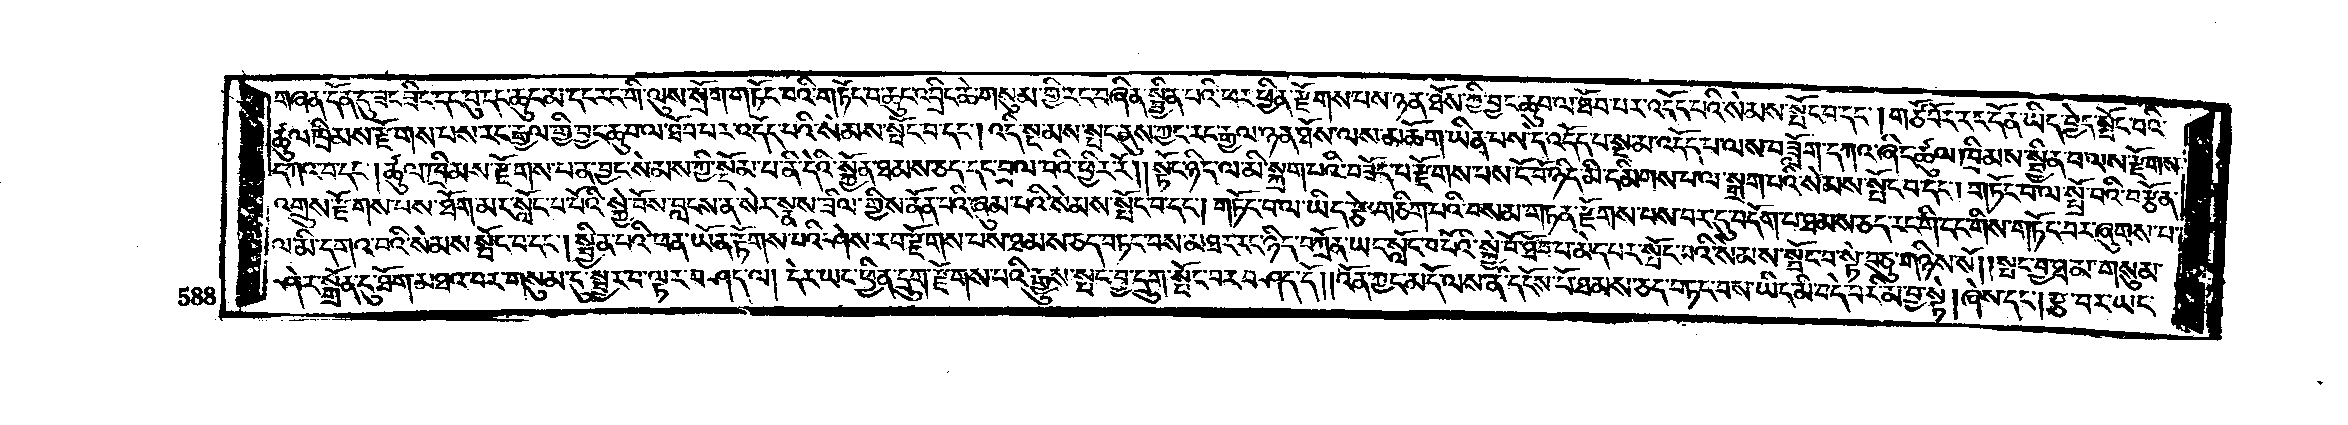གཞན་དོན་དུ་ཟང་ཟིང་དང་བུ་དང་ཆུང་མ་དང་རང་གི་ལུས་སྲོག་གཏོང་བའི་གཏོང་བ་ཆུང་འབྲིང་ཆེ་གསུམ་གྱི་རང་བཞིན་སྦྱིན་པའི་ཕར་ཕྱིན་རྫོགས་པས་ཉན་ཐོས་ཀྱི་བྱང་ཆུབ་ལ་ཐོབ་པར་འདོད་པའི་སེམས་སྤོང་བ་དང་། གཙོ་བོར་རང་དོན་ཡིད་བྱེད་སྤོང་བའི་
ཚུལ་ཁྲིམས་རྫོགས་པས་རང་རྒྱལ་གྱི་བྱང་ཆུབ་ལ་ཐོབ་པར་འདོད་པའི་སེམས་སྤོང་བ་དང་། འདི་སྔ་མས་སྤང་ནུས་ཀྱང་རང་རྒྱལ་ཉན་ཐོས་ལས་མཆོག་ཡིན་པས་དེ་འདོད་པ་སྔ་མ་འདོད་པ་ལས་བཟློག་དཀའ་ཞིང་ཚུལ་ཁྲིམས་སྦྱིན་པ་ལས་རྫོགས་
དཀའ་བ་དང་། ཚུལ་ཁྲིམས་རྫོགས་པ་ན་བྱང་སེམས་ཀྱི་སྡོམ་པ་ནི་དེའི་སྐྱོན་ཐམས་ཅད་དང་བྲལ་བའི་ཕྱིར་རོ། །སྟོང་ཉིད་ལ་མི་སྐྲག་པའི་བཟོད་པ་རྫོགས་པས་ངོ་བོ་ཉིད་མི་དམིགས་པ་ལ་སྐྲག་པའི་སེམས་སྤོང་བ་དང་། གཏོང་བ་ལ་སྤྲོ་བའི་བརྩོན་
འགྲུས་རྫོགས་པས་ཐོག་མར་སློང་པ་པོའི་སྐྱེ་བོས་བླངས་ན་སེར་སྣས་ཟིལ་གྱིས་ནོན་པའི་ཞུམ་པའི་སེམས་སྤོང་བ་དང་། གཏོང་བ་ལ་ཡིད་རྩེ་གཅིག་པའི་བསམ་གཏན་རྫོགས་པས་བར་དུ་བདོག་པ་ཐམས་ཅད་རང་གི་དང་གིས་གཏོང་བར་ཞུགས་པ་
ལ་མི་དགའ་བའི་སེམས་སྤོང་བ་དང་། སྦྱིན་པའི་ཕན་ཡོན་རྟོགས་པའི་ཤེས་རབ་རྫོགས་པས་ཐམས་ཅད་བཏང་བས་མཐར་རང་ཉིད་བཀྲེན་ཡང་སློང་བ་པོའི་སྐྱེ་བོ་ཐོབ་པ་མེད་པར་སྤོང་བའི་སེམས་སྤོང་བ་སྟེ་བཅུ་གཉིས་སོ། །སྤང་བྱ་ཐ་མ་གསུམ་
ཤེར་སྒྲོན་དུ་ཐོག་མཐའ་བར་གསུམ་དུ་སྦྱར་བ་ལྟར་བཤད་ལ། དེར་ཡང་ཕྱིན་དྲུག་རྫོགས་པའི་རྒྱུས་སྤང་བྱ་དྲུག་སྡོང་བར་བཤད་དེ། །འོན་ཀྱང་མདོ་ལས་ནི་དངོས་པོ་ཐམས་ཅད་བཏང་བས་ཡིད་མི་བདེ་བར་མི་བྱ་སྟེ། ཞེས་དང་། རྩ་བར་ཡང་